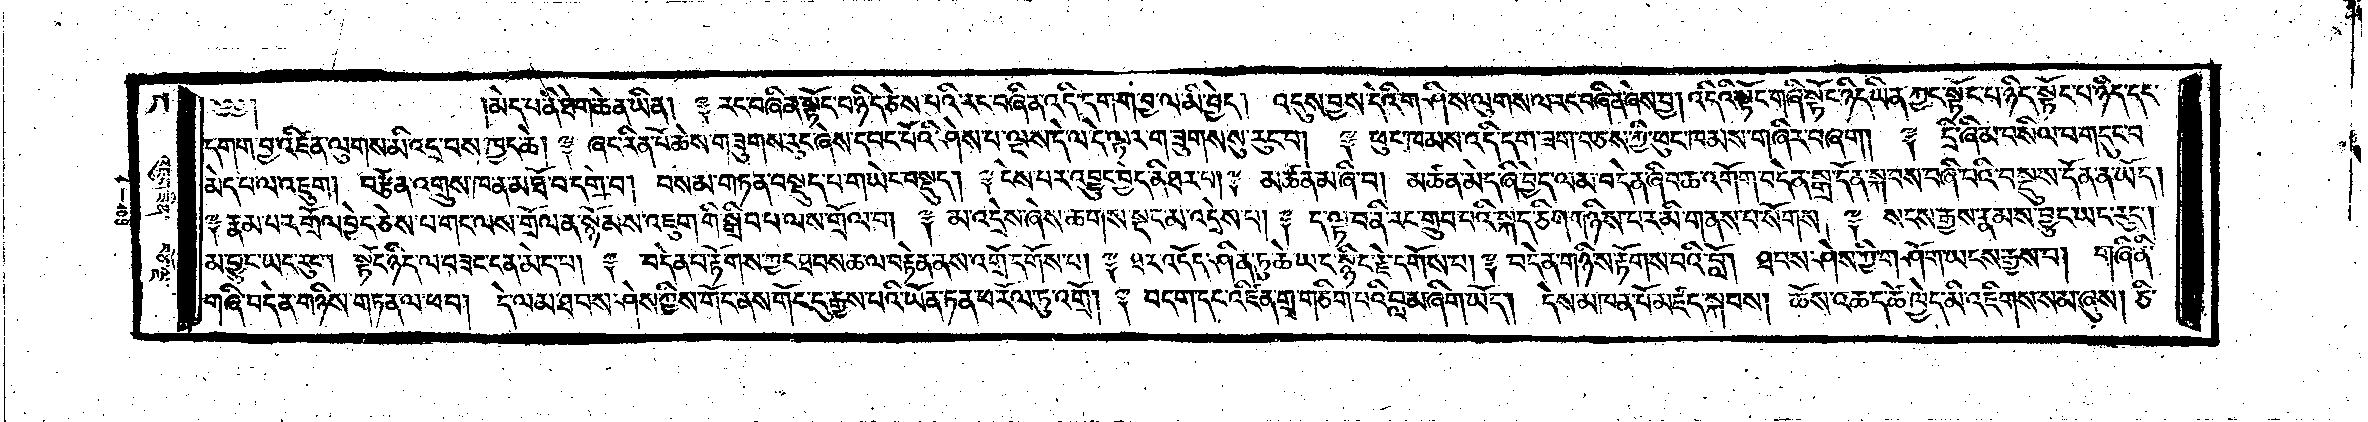༄༅། །མེད་པ་ནི་ཐེག་ཆེན་ཡིན། ༈ རང་བཞིན་སྟོང་པ་ཉིད་ཅེས་པའི་རང་བཞིན་འདི་དགག་བྱ་ལ་མི་བྱེད། འདུས་བྱས་དེའི་གཤིས་ལུགས་ལ་རང་བཞིན་ཞེས་བྱ། འདིའི་སྟོང་གཞི་སྟོང་ཉིད་ཡིན་ཀྱང་སྟོང་པ་ཉིད་སྟོང་པ་ཉིད་དང་
དགག་བྱ་འཛིན་ལུགས་མི་འདྲ་བས་ཁྱད་ཆེ། ༈ ཞང་རིན་པོ་ཆེས་གཟུགས་རུང་ཞེས་དབང་པོའི་ཤེས་པ་ལྔས་དེ་ལ་དེ་ལྟར་གཟུགས་སུ་རུང་བ། ༈ ཕུང་ཁམས་འདི་དག་ཟག་བཅས་ཀྱི་ཕུང་ཁམས་གཞིར་བཞག། ༈ དྲི་ཞིམ་བསིལ་བ་གདུང་བ་
མེད་པ་ལ་འཇུག། བརྩོན་འགྲུས་ཁ་ན་མ་ཐོ་བ་དགེ་བ། བསམ་གཏན་བསྡུད་པ་གཡེང་བསྡུད། ༈ ངེས་པར་འབྱུང་བྱེད་ནི་ཐར་པ། ༈ མཚན་མ་ཞི་བ། མཚན་མེད་ཞི་བྱེད་ལམ་བདེན་ཞིབ་ཆ་འགོག་པ་བདེན་སྒྲ་དོན་སྐབས་བཞི་པའི་བསྡུས་དོན་ན་ཡོད།
༈ རྣམ་པར་གྲོལ་བྱེད་ཅེས་པ་གང་ལས་གྲོལ་ན་སྙོམས་འཇུག་གི་སྒྲིབ་པ་ལས་གྲོལ་བ། ༈ མ་འདྲེས་ཞེས་ཆགས་སྡང་མ་འདྲེས་པ། ༈ ད་ལྟ་བ་ནི་རང་གྲུབ་པའི་སྐད་ཅིག་གཉིས་པར་མི་གནས་པ་སོགས། ༈ སངས་རྒྱས་རྣམས་བྱུང་ཡང་རུང་།
མ་བྱུང་ཡང་རུང་། སྟོང་ཉིད་ལ་བཟང་ངན་མེད་པ། ༈ བདེན་པ་རྟོགས་ཀྱང་ཐབས་ཆ་ལ་བརྟེན་ནས་འགྲོ་དགོས་པ། ༈ ཐར་འདོད་ཤིན་ཏུ་ཆེ་ཡང་སྙིང་རྗེ་དགོས་པ། ༈ བདེན་གཉིས་རྟོགས་པའི་བློ། ཐབས་ཤེས་ཀྱི་གཤོག་ཡངས་རྒྱས་པ། གཞི་ནི་
གཞི་བདེན་གཉིས་གཏན་ལ་ཕབ། དེ་ལམ་ཐབས་ཤེས་ཀྱིས་གོང་ནས་གོང་དུ་རྒྱས་པའི་ཡོན་ཏན་ཕ་རོལ་ཏུ་འགྲོ། ༈ བདག་དང་འཛིན་གྲྭ་གཅིག་པའི་བླ་མ་ཞིག་ཡོད། དེས་མཁན་པོ་མཛད་སྐབས། ཆོས་འཆད་ཚེ་ཁྱེད་མི་འཇིགས་སམ་ཞུས། ཅི་